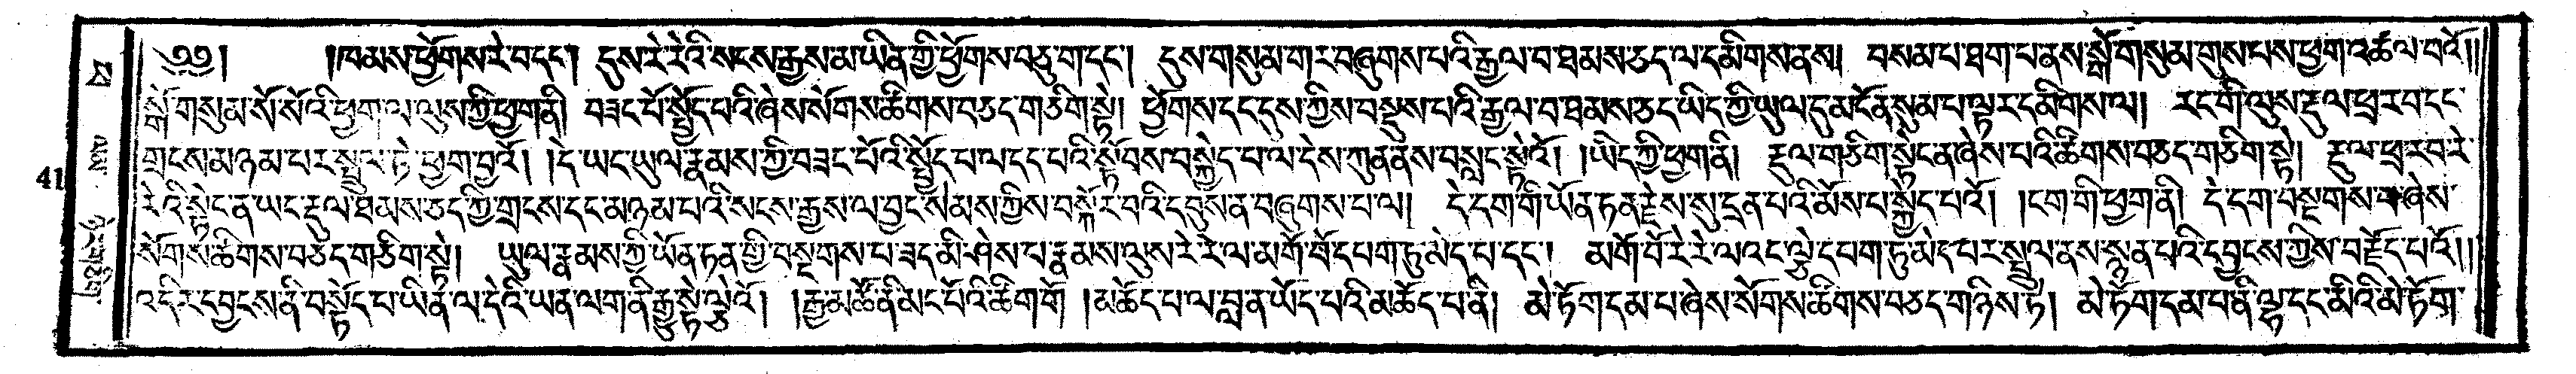༄༅། །ཁམས་ཕྱོགས་རེ་བ་དང་། དུས་རེ་རེའི་སངས་རྒྱས་མ་ཡིན་གྱི་ཕྱོགས་བཅུ་ག་དང་། དུས་གསུམ་གར་བཞུགས་པའི་རྒྱལ་བ་ཐམས་ཅད་ལ་དམིགས་ནས། བསམ་པ་ཐག་པ་ནས་སྒོ་གསུམ་གུས་པས་ཕྱག་འཚལ་བའོ།།
སྒོ་གསུམ་སོ་སོའི་ཕྱག་ལ་ལུས་ཀྱི་ཕྱག་ནི། བཟང་པོ་སྤྱོད་པའི་ཞེས་སོགས་ཚིགས་བཅད་གཅིག་སྟེ། ཕྱོགས་དང་དུས་ཀྱིས་བསྡུས་པའི་རྒྱལ་བ་ཐམས་ཅད་ཡིད་ཀྱི་ཡུལ་དུ་མངོན་སུམ་པ་ལྟར་དམིགས་ལ། རང་གི་ལུས་རྡུལ་ཕྲ་རབ་དང་
གྲངས་མཉམ་པར་སྤྲུལ་ཏེ་ཕྱག་བྱའོ། །དེ་ཡང་ཡུལ་རྣམས་ཀྱི་བཟང་པོའི་སྤྱོད་པ་ལ་དད་པའི་སྟོབས་བསྐྱེད་པ་ལ་དེས་ཀུན་ནས་བསླང་སྟེའོ། །ཡིད་ཀྱི་ཕྱག་ནི། རྡུལ་གཅིག་སྟེང་ན་ཞེས་པའི་ཚིགས་བཅད་གཅིག་སྟེ། རྡུལ་ཕྲ་རབ་རེ་
རེའི་སྟེང་ན་ཡང་རྡུལ་ཐམས་ཅད་ཀྱི་གྲངས་དང་མཉམ་པའི་སངས་རྒྱས་ལ་བྱང་སེམས་ཀྱིས་བསྐོར་བའི་དབུས་ན་བཞུགས་པ་ལ། དེ་དག་གི་ཡོན་ཏན་རྗེས་སུ་དྲན་པའི་མོས་པ་སྐྱེད་པའོ། །ངག་གི་ཕྱག་ནི། དེ་དག་བསྔགས་བ་ཞེས་
སོགས་ཚིགས་བཅད་གཅིག་སྟེ། ཡུལ་རྣམས་ཀྱི་ཡོན་ཏན་གྱི་བསྔགས་པ་ཟད་མི་ཤེས་པ་རྣམས་ལུས་རེ་རེ་ལ་མགོ་བོ་དཔག་ཏུ་མེད་པ་དང་། མགོ་བོ་རེ་རེ་ལའང་ལྕེ་དཔག་ཏུ་མེད་པར་སྤྲུལ་ནས་སྙན་པའི་དབྱངས་ཀྱིས་བརྗོད་པའོ།།
འདིར་དབྱངས་ནི་བསྟོད་པ་ཡིན་ལ་དེའི་ཡན་ལག་ནི་རྒྱུ་སྟེ་ལྕེའོ། །རྒྱ་མཚོན་ནི་མང་པོའི་ཚིག་གོ། །མཆོད་པ་ལ་བླ་ན་ཡོད་པའི་མཆོད་པ་ནི། མེ་ཏོག་དམ་པ་ཞེས་སོགས་ཚིགས་བཅད་གཉིས་ཏེ། མེ་ཏོག་དམ་པ་ནི་ལྷ་དང་མིའི་མེ་ཏོག་